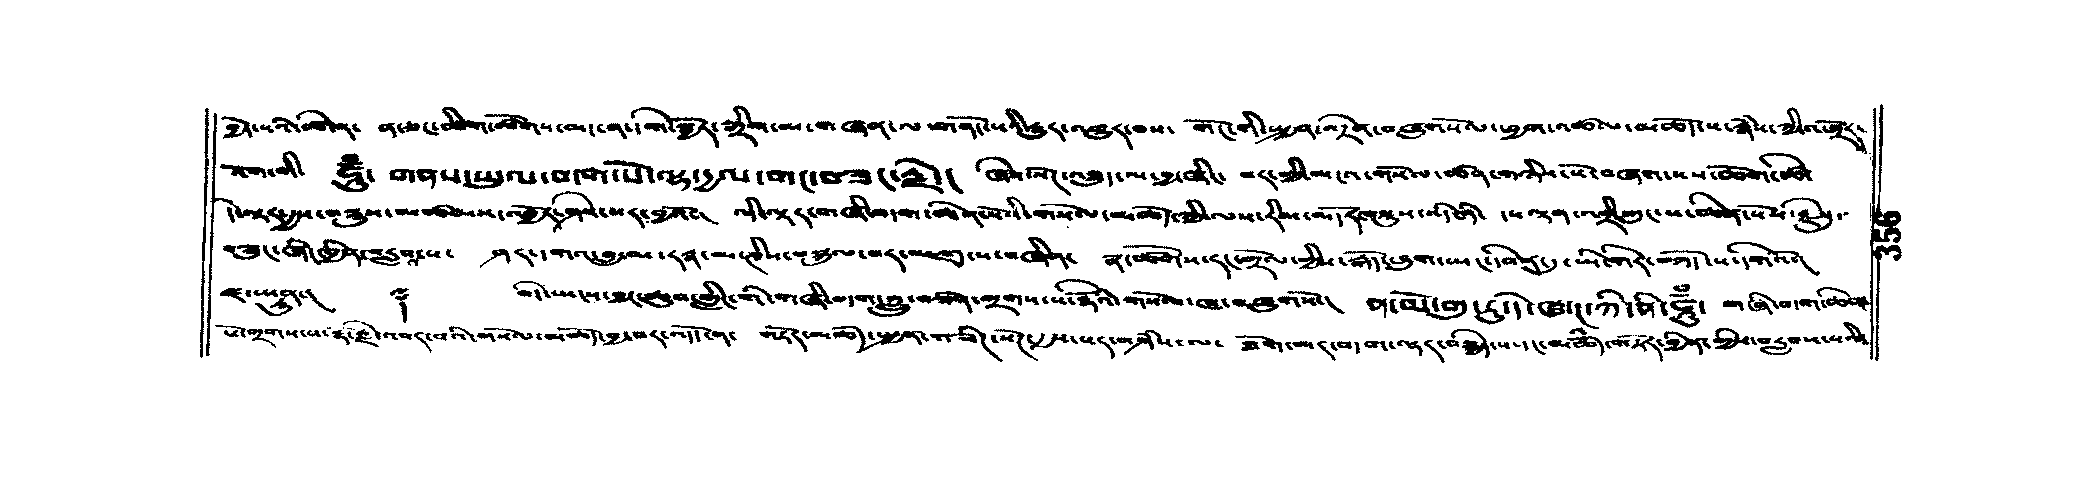བྱེད་པའི་ཚེ་ན། ཧ་ཅང་ཚིགས་་ཚོགས་མང་ན་དགེ་སྦྱོར་སྒྲིག་མ་གཞན་ལ་གནོད་པའི་རྒྱུར་འགྱུར་བས། གོང་གི་སྤྱན་བཞུགས་གསོལ་ཕྱག་འཚལ་མཆོད་པ་རྣམས་ཀྱི་འཕྲོར་
འོག་གི་ཧཱུྂ། གནས་ཡུལ་བདག་པོ་ལྷ་རྒྱལ་གང་བཟང་རྗེ། ཞེས་སོགས་འཐུད་ལ་བྱ་ཞིང་། བར་གྱི་མངའ་གསོལ་ཚན་གཉིས་པོ་བཞག་པས་ཅོག་ཚེ། 
དེ་ལྟར་རྒྱས་བསྡུས་མཚམས་འབྱོར་ཤེས་པར་བྱའོ། འདི་ལྟར་གཞི་བདག་ཆེན་པོའི་གསོལ་མཆོད་ཀྱི་ལས་རིམ་མདོར་བསྡུས་འདི་ཉིད། དཔལ་ལྡན་འབྲི་གུང་ས་ཆེན་ཆེན་པོས་རྗེས་སུ་
བཟུང་ཞིང་བྱིན་བརླབ་པ། ཤར་དགའ་བླ་མ་རཏྣ་མ་ཎིས་བསྐུལ་བར་མཛད་པ་བཞིན། སྣ་ཚོགས་རང་གྲོལ་གྱིས་རྒོད་ཕུག་ཡང་དབེན་དུ་ཡི་གེར་བཀོད་པ་དགེའོ། 
ཛ་ཡནྟུ། ༈ བདེ་ཡངས་བྱང་ཆུབ་གླིང་གི་གཞི་བདག་གླུ་བཙན་གྲགས་པ་རྡོ་རྗེའི་གསོལ་ཁ་བཞུགས་སོ། ན་མོ་གུ་རུ་དེ་ཝ་ཌཱ་ཀི་ནི་ཧཱུྂ། གཞི་བདག་ཆེན་
པོ་གྲགས་པ་རྡོ་རྗེ་འབར་བའི་མཆོད་བྱ་བར་འདོད་ན། གཏོར་མཆོད་སྤྱན་གཟིགས་སོགས་རྒྱས་པར་བཤམས་ལ། ཐོག་མར་བདག་ལྷར་བསྐྱེད་པ་དང་མཆོད་གཏོར་བྱིན་གྱིས་བརླབ་པའི་